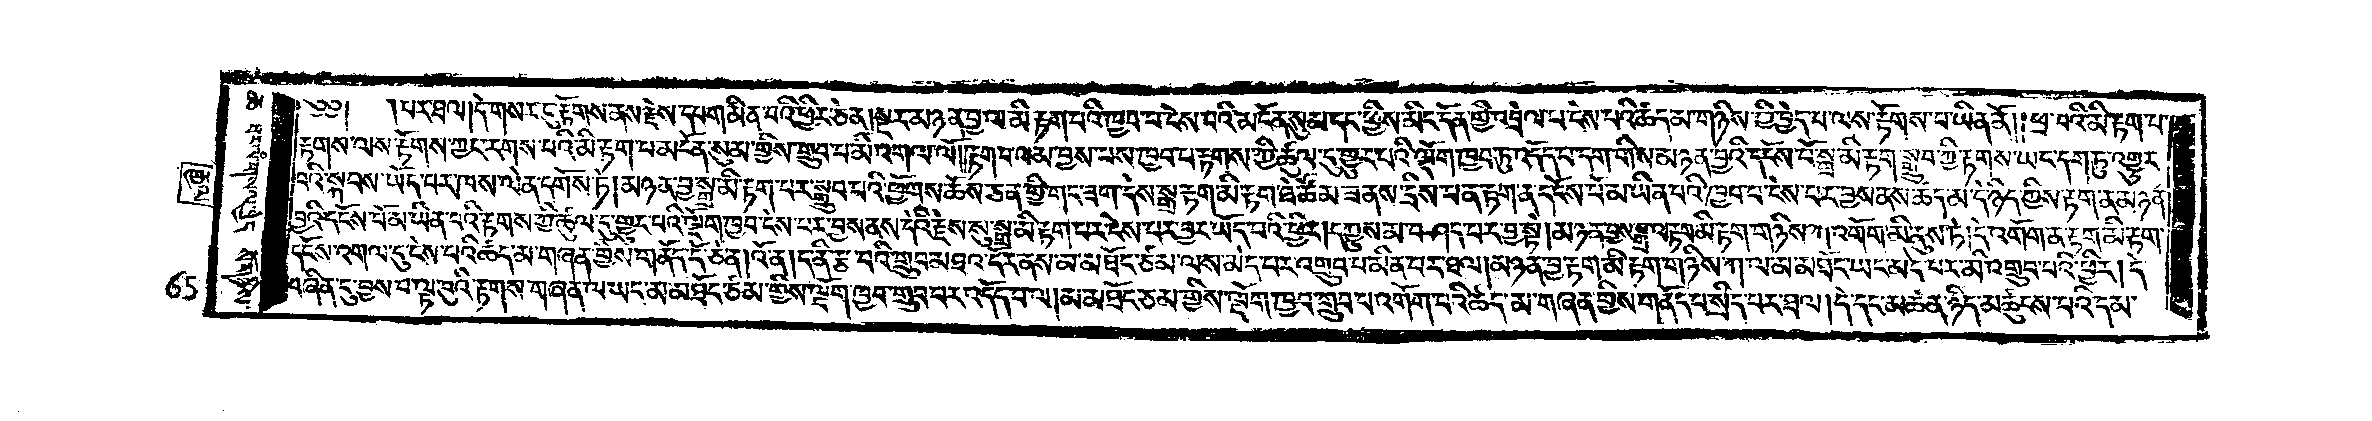༄༅། །པར་ཐལ། དེ་གསར་དུ་རྟོགས་ནས་རྗེས་དཔག་མིན་པའི་ཕྱིར་ཅེ་ན། སྔར་མཉན་བྱ་ལ་མི་རྟག་པའི་ཁྱབ་པ་ངེས་པའི་མངོན་སུམ་དང་ཕྱིས་མིང་དོན་གྱི་འབྲེལ་པ་ངེས་པའི་ཚད་མ་གཉིས་ཀྱི་བྱེད་པ་ལས་རྟོགས་པ་ཡིན་ནོ། །ཕྲ་བའི་མི་རྟག་པ་
རྟགས་ལས་རྟོགས་ཀྱང་རིགས་པའི་མི་རྟག་པ་མངོན་སུམ་གྱིས་གྲུབ་པ་མི་འགལ་ལོ། །རྟག་པ་ལ་མ་བྱས་པས་ཁྱབ་པ་རྟགས་ཀྱི་ཚུལ་དུ་གྱུར་པའི་ལྡོག་ཁྱབ་ཏུ་འདོད་པ་དག་གིས་མཉན་བྱའི་དངོས་པོ་སྒྲ་མི་རྟག་སྒྲུབ་ཀྱི་རྟགས་ཡང་དག་ཏུ་འགྱུར་
བའི་སྐབས་ཡོད་པར་ཁས་ལེན་དགོས་ཏེ། མཉན་བྱ་སྒྲ་མི་རྟག་པར་སྒྲུབ་པའི་ཕྱོགས་ཆོས་ཅན་གྱི་གང་ཟག་དེས་སྒྲ་རྟག་མི་རྟག་ཐེ་ཚོམ་ཟ་ནས་དྲིས་པ་ན་རྟག་ན་དངོས་པོ་མ་ཡིན་པའི་ཁྱབ་པ་ངེས་པར་བྱས་ནས་ཚད་མ་དེ་ཉིད་ཀྱིས་རྟག་ན་མཉན་
བྱའི་དངོས་པོ་མ་ཡིན་པའི་རྟགས་ཀྱི་ཚུལ་དུ་གྱུར་པའི་ལྡོག་ཁྱབ་ངེས་པར་བྱས་ནས་དེའི་རྗེས་སུ་སྒྲ་མི་རྟག་པར་ངེས་པར་བྱར་ཡོད་པའི་ཕྱིར། དཀྱུས་མ་བཤད་པར་བྱ་སྟེ། མཉན་བྱས་སྒྲ་ལ་རྟག་མི་རྟག་གཉིས་ཀ་འགོག་མི་ནུས་ཏེ། དེ་འགོག་ན་རྟག་མི་རྟག་
དངོས་འགལ་དུ་ངེས་པའི་ཚད་མ་གཞན་གྱིས་གནོད་དོ་ཅེ་ན། འོ་ན། ད་ནི་རྩ་བའི་གྲུབ་མཐའ་དོར་ནས་མ་མཐོང་ཙམ་ལས་མེད་པར་འགྲུབ་པ་མིན་པར་ཐལ། མཉན་བྱ་རྟག་མི་རྟག་གཉིས་ཀ་ལ་མ་མཐོང་ཡང་མེད་པར་མི་འགྲུབ་པའི་ཕྱིར། དེ་
བཞིན་དུ་བྱས་པ་ལྟ་བུའི་རྟགས་གཞན་ལ་ཡང་མ་མཐོང་ཙམ་གྱིས་ལྡོག་ཁྱབ་གྲུབ་པར་འདོད་པ་ལ། མ་མཐོང་ཙམ་གྱིས་ལྡོག་ཁྱབ་གྲུབ་པ་འགོག་པའི་ཚད་མ་གཞན་གྱིས་གནོད་པ་སྲིད་པར་ཐལ། དེ་དང་མཚན་ཉིད་མཚུངས་པའི་དམ་